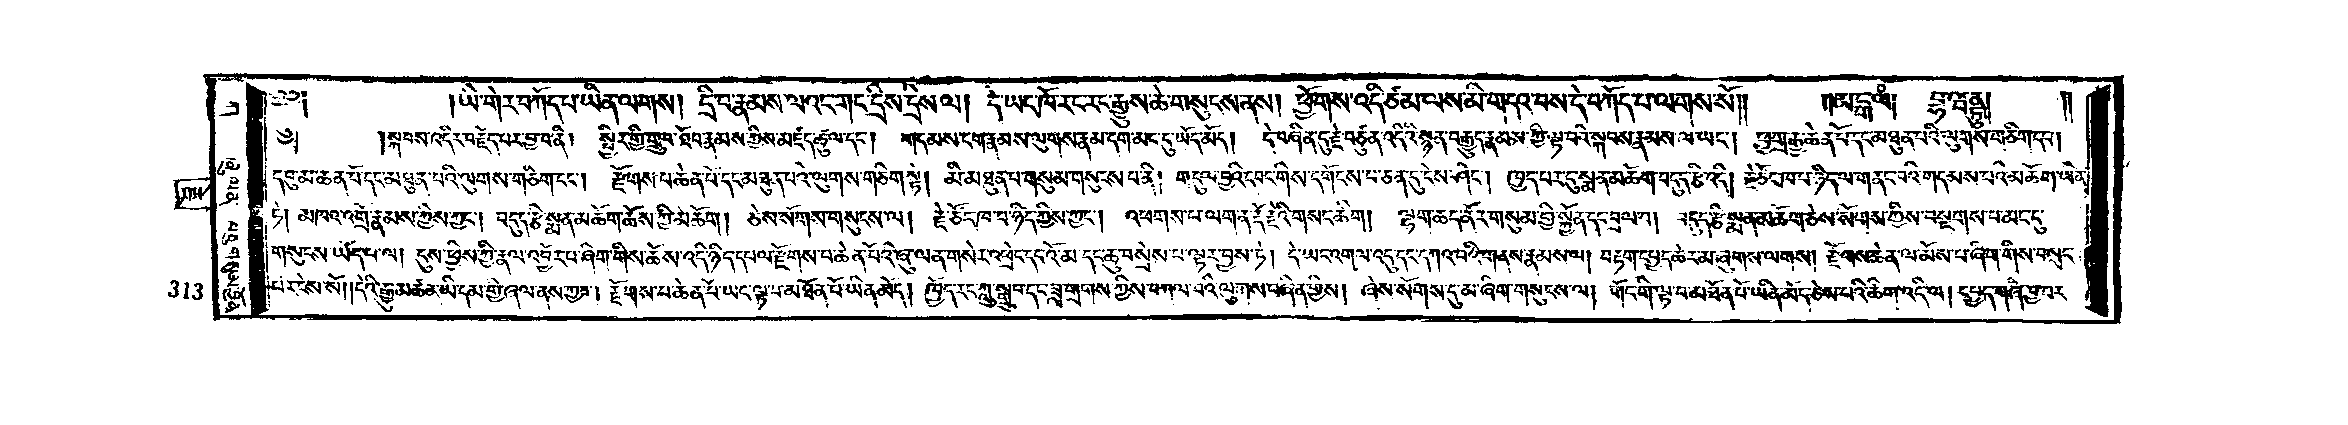༄༅། །ཡི་གེར་བཀོད་པ་ཡིན་ལགས། དྲི་བ་རྣམས་ལའང་གང་དྲིས་དྲིས་ལ། དེ་ཡང་ཁོ་རང་རང་རྒྱུས་ཆེ་གསུངས་ནས། ཕྱོགས་འདི་ཙམ་ལས་མི་གདའ་བས་དེ་བཀོད་པ་ལགས་སོ།། །།མངྒ་ལཾ། བྷ་ཝནྟུ། །།
༄༅། །སྐབས་འདིར་བརྗོད་པར་བྱ་བ་ནི། སྤྱིར་གྱི་གྲུབ་ཐོབ་རྣམས་ཀྱིས་མཛད་ཚུལ་དང་། གདམས་ངག་རྣམས་ལུགས་རྣམ་དག་མང་དུ་ཡོད་མོད། དེ་བཞིན་དུ་རྗེ་བཙུན་འདིའི་སྙན་བརྒྱུད་རྣམས་ཀྱི་ལྟ་བའི་སྐབས་རྣམས་ལ་ཡང་། ཕྱག་རྒྱ་ཆེན་པོ་དང་མཐུན་པའི་ལུགས་གཅིག་དང་།
དབུ་མ་ཆན་པོ་དང་མཐུན་པའི་ལུགས་གཅིག་དང་། རྫོགས་པ་ཆེན་པོ་དང་མཐུན་པའི་ལུགས་གཅིག་སྟེ། མི་མཐུན་པ་གསུམ་གསུངས་པ་ནི། གདུལ་བྱའི་དབང་གིས་དགོངས་པ་ཅན་དུ་ངེས་ཤིང་། ཁྱད་པར་དུ་སྨན་མཆོག་བདུད་རྩི་འདི། རྗེ་ཙོང་ཁ་པ་ཉིད་ལ་གནང་བའི་གདམས་པའི་མཆོག་ཡིན་
ཏེ། མཁའ་འགྲོ་རྣམས་ཀྱིས་ཀྱང་། བདུད་རྩི་སྨན་མཆོག་ཆོས་ཀྱི་མཆོག། ཅེས་སོགས་གསུངས་ལ། རྗེ་ཙོང་ཁ་པ་ཉིད་ཀྱིས་ཀྱང་། འཕགས་པ་ལག་ན་རྡོ་རྗེའི་གསང་ཚིག། ལྷག་ཆད་ནོར་གསུམ་གྱི་སྐྱོན་དང་བྲལ་བ། བདུད་རྩི་སྨན་མཆོག་ཅེས་སོགས་ཀྱིས་བསྔགས་པ་མང་དུ་
གསུངས་ཡོད་པ་ལ། དུས་ཕྱིས་ཀྱི་རྣལ་འབྱོར་པ་ཞིག་གིས་ཆོས་འདི་ཉིད་དཔལ་རྫོགས་པ་ཆེན་པོའི་ཞུ་ལན་གསེར་འཕྲེང་དང་འོ་མ་དང་ཆུ་བསྲེས་པ་ལྟར་བྱས་ཏེ། དེ་ཡང་འགལ་འདུ་དང་དཀའ་བའི་གནས་རྣམས་ལ། བརྟག་དཔྱད་ཆེར་མ་ཞུགས་ལགས། རྫོགས་ཆེན་ལ་མོས་པ་ཞིག་གིས་བསྲུང་
པར་ངེས་སོ། །དེའི་རྒྱུ་མཚན་ཡི་དམ་གྱི་ཞལ་ནས་ཀྱང་། རྫོགས་པ་ཆེན་པོ་ཡང་ལྟ་པ་མཐོན་པོ་ཡིན་མོད། ཁྱོད་རང་ཀླུ་སྒྲུབ་དང་ཟླ་གྲགས་ཀྱིས་བཀལ་བའི་ལུགས་བཞིན་གྱིས། ཞེས་སོགས་དུ་མ་ཞིག་གསུངས་ལ། གོང་གི་ལྟ་བ་མཐོན་པོ་ཡིན་མོད་ཅེས་པའི་ཚིག་འདི་ལ། དཔྱད་གཞི་བྱ་བར་